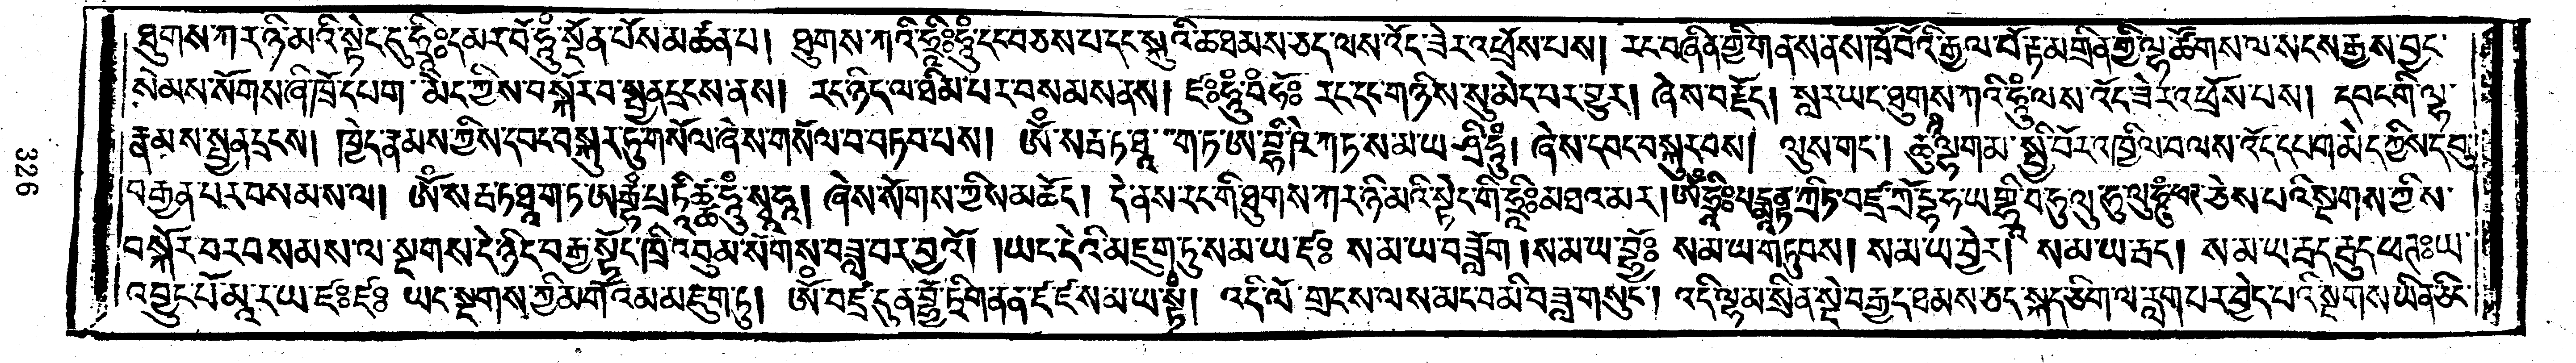ཐུགས་ཀར་ཉི་མའི་སྟེང་དུ་ཧྲཱིཿ དམར་བོ་ཧཱུཾ་སྔོན་པོས་མཚན་པ། ཐུགས་ཀའི་ཧྲཱིཿ ཧཱུཾ་དང་བཅས་པ་དང་སྐུའི་ཆ་ཐམས་ཅད་ལས་འོད་ཟེར་འཕྲོས་པས། རང་བཞིན་གྱི་གནས་ནས་ཁྲོ་བོའི་རྒྱལ་པོ་རྟ་མགྲིན་གྱི་ལྷ་ཚོགས་ལ་སངས་རྒྱས་བྱང་
སེམས་སོགས་ཞི་ཁྲོ་དཔག་མེད་ཀྱིས་བསྐོར་བ་སྤྱན་དྲངས་ནས། རང་ཉིད་ལ་ཐིམ་པར་བསམས་ནས། ཛཿ ཧཱུཾ་བཾ་ཧོཿ རང་དང་གཉིས་སུ་མེད་པར་བྱུར། ཞེས་བརྗོད། སླར་ཡང་ཐུགས་ཀའི་ཧཱུཾ་ལས་འོད་ཟེར་འཕྲོས་པས། དབང་གི་ལྷ་
རྣམས་སྤྱན་དྲངས། ཁྱེད་རྣམས་ཀྱིས་དབང་བསྐུར་ཏུ་གསོལ་ཞེས་གསོལ་བ་བཏབ་པས། ཨོཾ་སརྦ་ཏ་ཐཱ་ག་ཏ་ཨ་བྷི་ཥེ་ཀ་ཏ་ས་མ་ཡ་ཤྲི་ཧཱུཾ། ཞེས་དབང་བསྐུར་བས། ལུས་གང་། ཆུ་ལྷག་མ་སྤྱི་བོར་འཁྱིལ་བ་ལས་འོད་དཔག་མེད་ཀྱིས་དབུ་
བརྒྱན་པར་བསམས་ལ། ཨོཾ་སརྦ་ཏ་ཐཱ་ག་ཏ་ཨརྒྷཾ་པྲཏཱིཚྪ་ཧཱུཾ་སྭཱ་ཧཱ། ཞེས་སོགས་ཀྱིས་མཆོད། དེ་ནས་རང་གི་ཐུགས་ཀར་ཉི་མའི་སྟེང་གི་ཧྲཱིཿ མཐའ་མར། ཨོཾ་ཧྲཱིཿ པདམཱནྟ་ཀྲིཏ་བཛྲ་ཀྲོ་དྷ་ཧ་ཡགྷྲཱི་བ་ཧུ་ལུ་ཧུ་ལུ་ཧཱུཾ་ཕཊ་ཅེས་པའི་སྔགས་ཀྱིས་
བསྐོར་བར་བསམས་ལ་སྔགས་དེ་ཉིད་བརྒྱ་སྟོང་ཁྲི་འབུམ་སོགས་བཟླ་བར་བྱའོ། །ཡང་དེའི་མཇུག་ཏུ་ས་མ་ཡ་ཛཿ ས་མ་ཡ་བཟློག །ས་མ་ཡ་བྷྱོཿ ས་མ་ཡ་གཏུབས། ས་མ་ཡ་བྱེར། ས་མ་ཡ་རྦད། ས་མ་ཡ་རྦད་རྦུད་ཕཊཿ ཡ་
འབྱུང་པོ་མཱ་ར་ཡ་ཛཿ ཛཿ ཡང་སྔགས་ཀྱི་མགོའམ་མཇུག་ཏུ། ཨོཾ་བཛྲ་དུན་བྷྱོ་ཏྲིག་ནན་ཛ་ཛ་ས་མ་ཡ་སྟཾ། འདི་ལོ་གྲངས་ལས་མང་བ་མི་བཟླ་གསུང་། འདི་ལྷ་མ་སྲིན་སྡེ་བརྒྱད་ཐམས་ཅད་སྐད་ཅིག་ལ་རླག་པར་བྱེད་པའི་སྔགས་ཡིན་ཅིང་